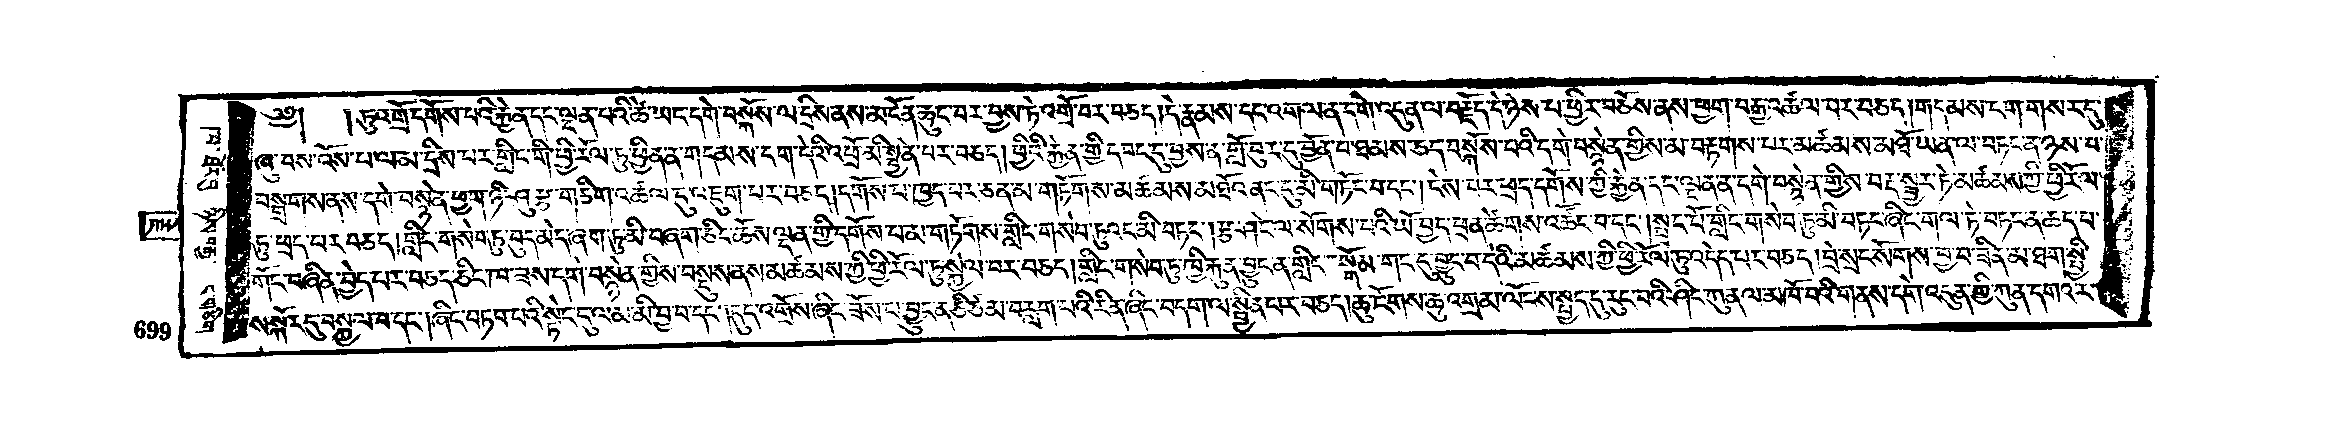༄༅། །ཏུ་འགྲོ་དགོས་པའི་རྐྱེན་དང་ལྡན་པའི་ཚེ་ཡང་དགེ་བསྐོས་ལ་དྲིས་ནས་མངོན་ཆུང་བར་བྱས་ཏེ་འགྲོ་བར་བཅད། དེ་རྣམས་དང་འགལ་ན་དགེ་འདུན་ལ་བརྗོད་དེ་ཉེས་པ་ཕྱིར་བཅོས་ནས་ཕྱག་བརྒྱ་འཚལ་བར་བཅད། གདམས་ངག་གསར་དུ་
ཞུ་བས་འོས་པ་ལ་མ་དྲིས་པར་གླིང་གི་ཕྱི་རོལ་ཏུ་ཕྱིན་ན་གདམས་ངག་དེའི་འཕྲོ་མི་སྦྱིན་པར་བཅད། ཕྱིའི་རྐྱེན་གྱི་དབང་དུ་བྱས་ན་གློ་བུར་དུ་བྱོན་པ་ཐམས་ཅད་བསྐོས་པའི་དགེ་བསྙེན་གྱིས་མ་བརྟགས་པར་མཚམས་མཐོ་ཡན་ལ་བཏང་ན་ཉེས་པ་
བསྒྲགས་ནས་དགེ་བསྙེན་ཕྱག་ཉི་ཤུ་རྩ་གཅིག་འཚལ་དུ་འཇུག་པར་བཅད། དགོས་པ་ཁྱད་པར་ཅན་མ་གཏོགས་མཚམས་མཐོའི་ནང་དུ་མི་གཏོང་བ་དང་། ངེས་པར་ཕྲད་དགོས་ཀྱི་རྐྱེན་དང་ལྡན་ན་དགེ་བསྙེན་གྱིས་བརྡ་སྦྱར་ཏེ་མཚམས་ཀྱི་ཕྱི་རོལ་
ཏུ་ཕྲད་པར་བཅད། གླིང་གསེབ་ཏུ་བུད་མེད་ཞག་ཏུ་མི་བཞག་ཅིང་ཆོས་ལྡན་གྱི་དགོས་པ་མ་གཏོགས་གླིང་གསེབ་ཏུའང་མི་བཏང་། རྩ་ཤིང་ལ་སོགས་པའི་ཡོ་བྱད་ཕྲན་ཚེགས་འཚོང་བ་དང་། སྤྲང་པོ་གླིང་གསེབ་ཏུ་མི་བཏང་ཞིང་གལ་ཏེ་བཏང་ན་ཆད་པ་
གོང་བཞིན་བྱེད་པར་བཅད་ཅིང་ཁ་ཟས་དགེ་བསྙེན་གྱིས་བསྡུས་ནས་མཚམས་ཀྱི་ཕྱི་རོལ་ཏུ་སྐྱེལ་བར་བཅད། གླིང་གསེབ་ཏུ་ཁྱི་རྐུན་བྱུང་ན་གླིང་སྒོམ་གང་དུ་བྱུང་བ་དེའི་མཚམས་ཀྱི་ཕྱི་རོལ་ཏུ་འདོད་པར་བཅད། བྲེ་སྲང་སོགས་བྱ་བ་ཟིན་མ་ཐག་སྤྱི་
ས་སྐོར་དུ་བསྐྱལ་བ་དང་། ཞིང་བཏབ་པའི་སྟེང་དུ་ལམ་མི་བྱ་བ་དང་། དུད་འགྲོས་ཞིང་ཟོས་པ་བྱུང་ན་ཅི་ཙམ་བརླག་པའི་རིན་ཞིང་བདག་ལ་སྦྱིན་པར་བཅད། ཆུ་ངོགས་ཆུ་འགྲམ་ལོངས་སྤྱད་དུ་རུང་བའི་ཤིང་ཀུན་ལ་མཁོ་བའི་གནས་དགེ་འདུན་གྱི་ཀུན་དགའ་ར་